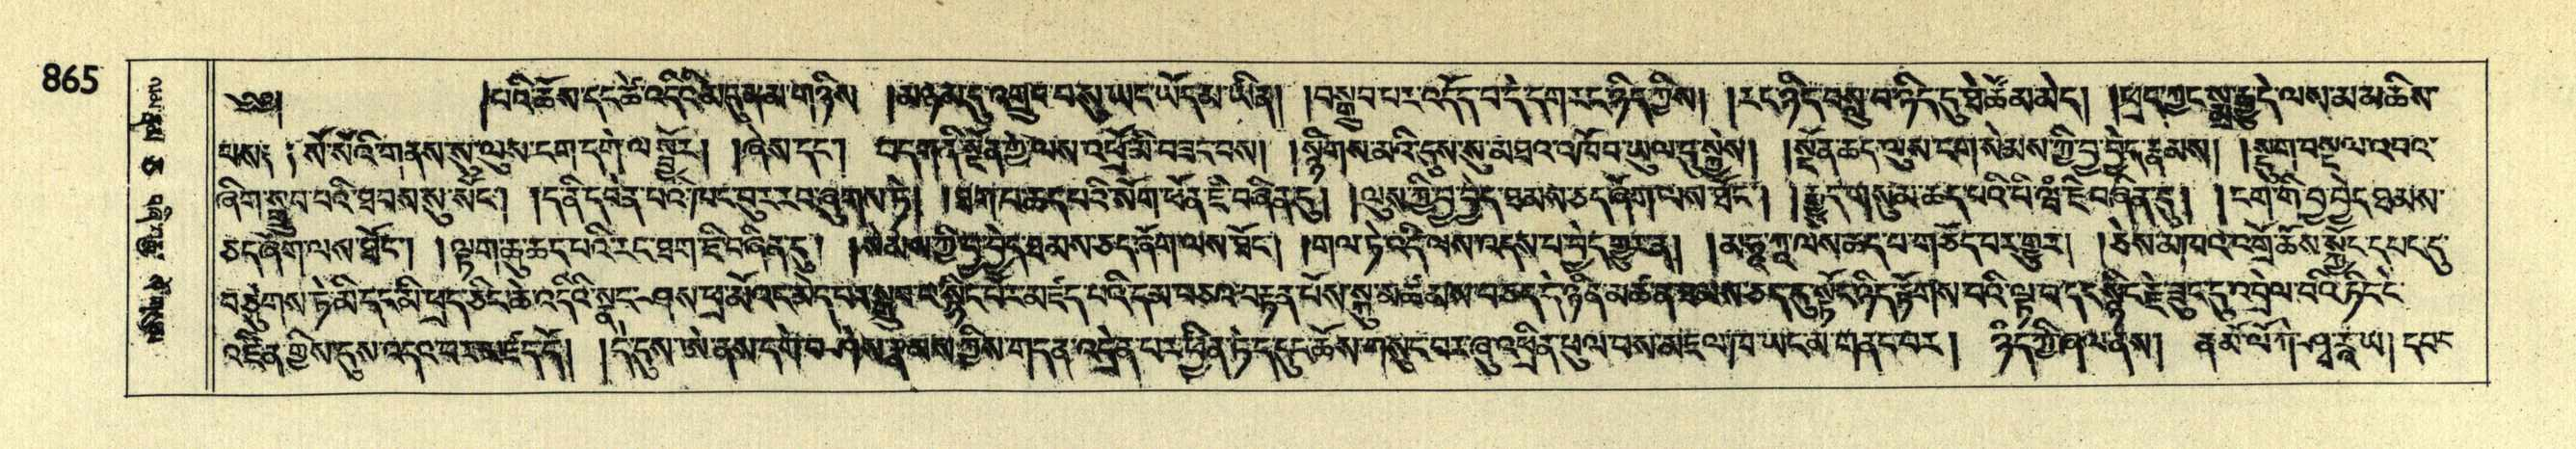༄༅། །པའི་ཆོས་དང་ཚེ་འདིའི་མདུན་མ་གཉིས་།མཉམ་དུ་འགྲུབ་བསུ་ཡང་ཡོད་མ་ཡིན། །བསྒྲུབ་པར་འདོད་བ་དེ་དག་རང་ཉིད་ཀྱིས། །རང་ཉིད་བསླུ་བ་ཉིད་དུ་ཐེ་ཚོམ་མེད། །ཕྲད་ཀྱང་སྨྲ་རྒྱུ་དེ་ལས་མ་མཆིས་
པས༑ ༑སོ་སོའི་གནས་སུ་ལུས་ངག་དགེ་ལ་སྦྱོར། །ཞེས་དང་། བདག་ནི་སྔོན་གྱི་ལས་འཕྲོ་མི་བཟང་བས། །སྙིགས་མའི་དུས་སུ་མཐའ་འཁོབ་ཡུལ་དུ་སྐྱེས། །སྔོན་ཆད་ལུས་ངག་སེམས་ཀྱི་བྱ་བྱེད་རྣམས། །སྡུག་བསྔལ་འབའ་
ཞིག་སྒྲུབ་པའི་ཐབས་སུ་སོང་། །ད་ནི་དབེན་པའི་ཁང་བུར་རབ་ཞུགས་ཏེ། །ཐག་པ་ཆད་པའི་སོག་ཕོན་ཇི་བཞིན་དུ། །ལུས་ཀྱི་བྱ་བྱེད་ཐམས་ཅད་ཞོག་ལས་ཐོང་། །རྒྱུད་གསུམ་ཆད་པའི་པི་ཝཾ་ཇི་བཞིན་དུ། །ངག་གི་བྱ་བྱེད་ཐམས་
ཅད་ཞོག་ལས་ཐོང་། །ལྟག་ཆུ་ཆད་པའི་རང་ཐག་ཇི་བཞིན་དུ། །སེམས་ཀྱི་བྱ་བྱེད་ཐམས་ཅད་ཞོག་ལས་ཐོང་། །གལ་ཏེ་འདི་ལས་འདས་པ་བྱེད་གྱུར་ན། །མཧཱ་ཀཱ་ལས་ཆད་པ་གཅོད་པར་གྱུར། །ཅེས་མཁའ་འགྲོ་ཆོས་སྐྱོང་དཔང་དུ་
བཙུགས་ཏེ་མི་དང་མི་ཕྲད་ཅིང་ཆེ་འདིའི་སྣང་ཤས་ཕྲ་མོའང་མེད་པར་སྒྲུབ་པ་སྙིང་པོར་མཛད་པའི་དམ་བཅའ་བརྟན་པོས་སྐུ་མཚམས་བཅད་དེ་ཉིན་མཚན་ཐམས་ཅད་དུ་སྟོང་ཉིད་རྟོགས་པའི་ལྟ་བ་དང་སྙིང་རྗེ་ཟུང་དུ་འབྲེལ་བའི་ཏིང་ངེ་
འཛིན་གྱིས་དུས་འདའ་བར་མཛད་དོ། །དེ་དུས་ཨེ་ནས་དགེ་བཤེས་རྣམས་ཀྱིས་གདན་འདྲེན་པར་ཕྱིན་ཏེ་ད་དུང་ཆོས་གསུང་བར་ཞུ་འཕྲིན་ཕུལ་བས་མཇལ་ཁ་ཡང་མ་གནང་བར། ཉིད་ཀྱི་ཞལ་ནས། ན་མོ་ལོ་ཀེ་ཤྭ་རཱ་ཡ། དབང་